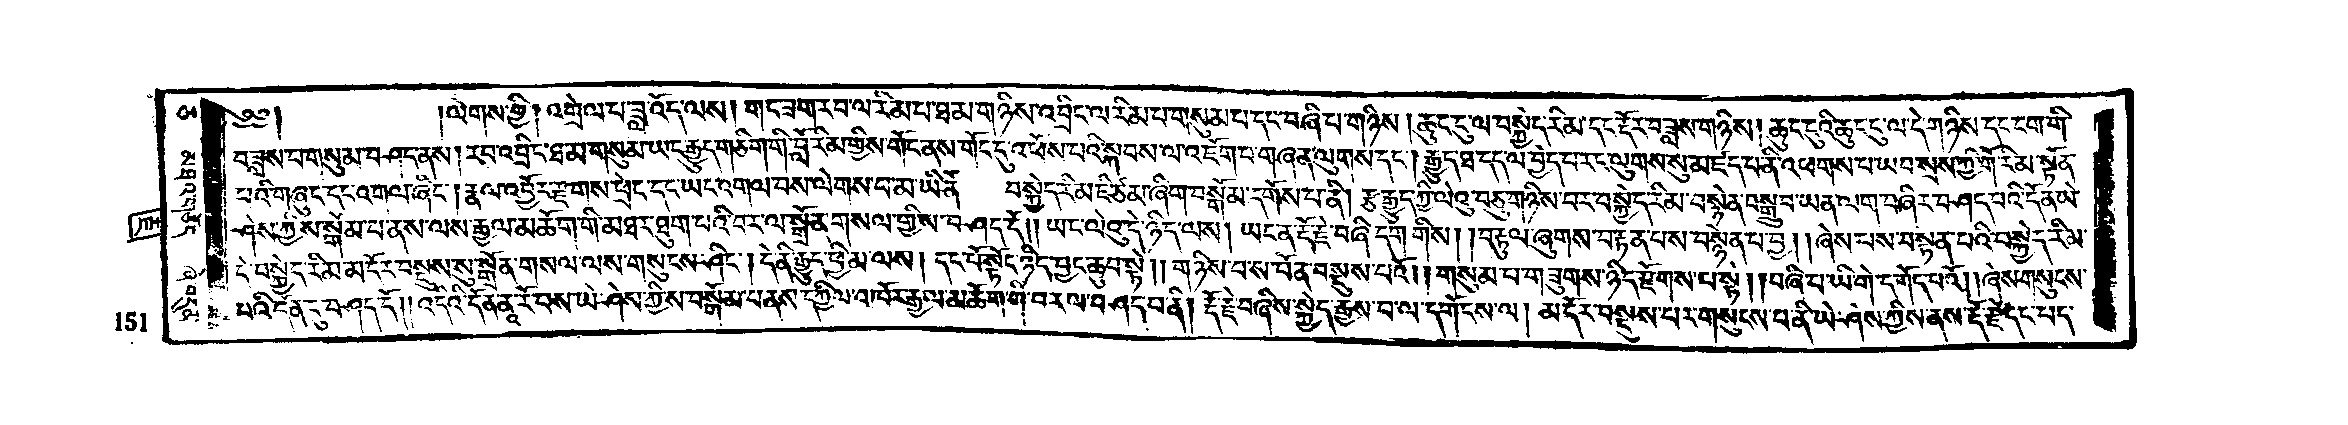༄༅། །ལེགས་གྱི། འགྲེལ་པ་ཟླ་འོད་ལས། གང་ཟག་རབ་ལ་རིམ་པ་ཐ་མ་གཉིས་འབྲིང་ལ་རིམ་པ་གསུམ་པ་དང་བཞི་པ་གཉིས། ཆུང་ངུ་ལ་བསྐྱེད་རིམ་དང་རྡོར་བཟླས་གཉིས། ཆུང་ངུའི་ཆུང་ངུ་ལ་དེ་གཉིས་དང་ངག་གི་
བཟླས་པ་གསུམ་བཤད་ནས། རབ་འབྲིང་ཐ་མ་གསུམ་ཡང་རྒྱུད་གཅིག་གི་བློ་རིམ་གྱིས་གོང་ནས་གོང་དུ་འཕོས་པའི་སྐབས་ལ་འཇོག་པ་གཞན་ལུགས་དང་། རྒྱུད་ཐ་དད་ལ་བྱེད་པ་རང་ལུགས་སུ་མཛད་པ་ནི་འཕགས་པ་ཡབ་སྲས་ཀྱི་གོ་རིམ་སྟོན་
པའི་གཞུང་དང་འགལ་ཞིང་། རྣལ་འབྱོར་རྫོགས་?་ཕྲེང་དང་ཡང་འགལ་བས་ལེགས་པ་མ་ཡི་ཚོགས་?་བསྐྱེད་རིམ་ཇི་ཙམ་ཞིག་བསྒོམ་དགོས་པ་ནི། རྩ་རྒྱུད་ཀྱི་ལེའུ་བཅུ་གཉིས་པར་བསྐྱེད་རིམ་བསྙེན་བསྒྲུབ་ཡན་ལག་བཞིར་བཤད་པའི་དོན་ཡེ་
ཤེས་ཀྱི་ས་སྒོམ་པ་ནས་ལས་རྒྱལ་མཆོག་གི་མཐར་ཐུག་པའི་བར་ལ་སྒྲོན་གསལ་གྱིས་བཤད་དོ། །ཡང་ལེའུ་དེ་ཉིད་ལས། ཡང་ན་རྡོ་རྗེ་བཞི་དག་གིས། །བརྟུལ་ཞུགས་བརྟན་པས་བསྙེན་པ་བྱ། །ཞེས་པས་བསྟན་པའི་བསྐྱེད་རིམ་
དེ་བསྐྱེད་རིམ་མདོར་བསྡུས་སུ་སྒྲོན་གསལ་ལས་གསུངས་ཤིང་། དེ་ནི་རྒྱུད་ཕྱི་མ་ལས། དང་པོ་སྟོང་ཉིད་བྱང་ཆུབ་སྟེ། །གཉིས་པ་ས་བོན་བསྡུས་པའོ། །གསུམ་པ་གཟུགས་ཉིད་རྫོགས་པ་སྟེ། །བཞི་པ་ཡི་གེ་དགོད་པའོ། །ཞེས་གསུངས་
པའི་དོན་དུ་བཤད་དོ། །འདིའི་དོན་ནཱ་རོ་པས་ཡེ་ཤེས་ཀྱི་ས་བསྒོམ་པ་ནས་དཀྱིལ་འཁོར་རྒྱལ་མཆོག་གི་བར་ལ་བཤད་པ་ནི། རྡོ་རྗེ་བཞིས་སྐྱེད་རྒྱས་པ་ལ་དགོངས་ལ། མདོར་བསྡུས་པར་གསུངས་པ་ནི་ཡེ་ཤེས་ཀྱིས་ནས་རྡོ་རྗེ་དང་པད་